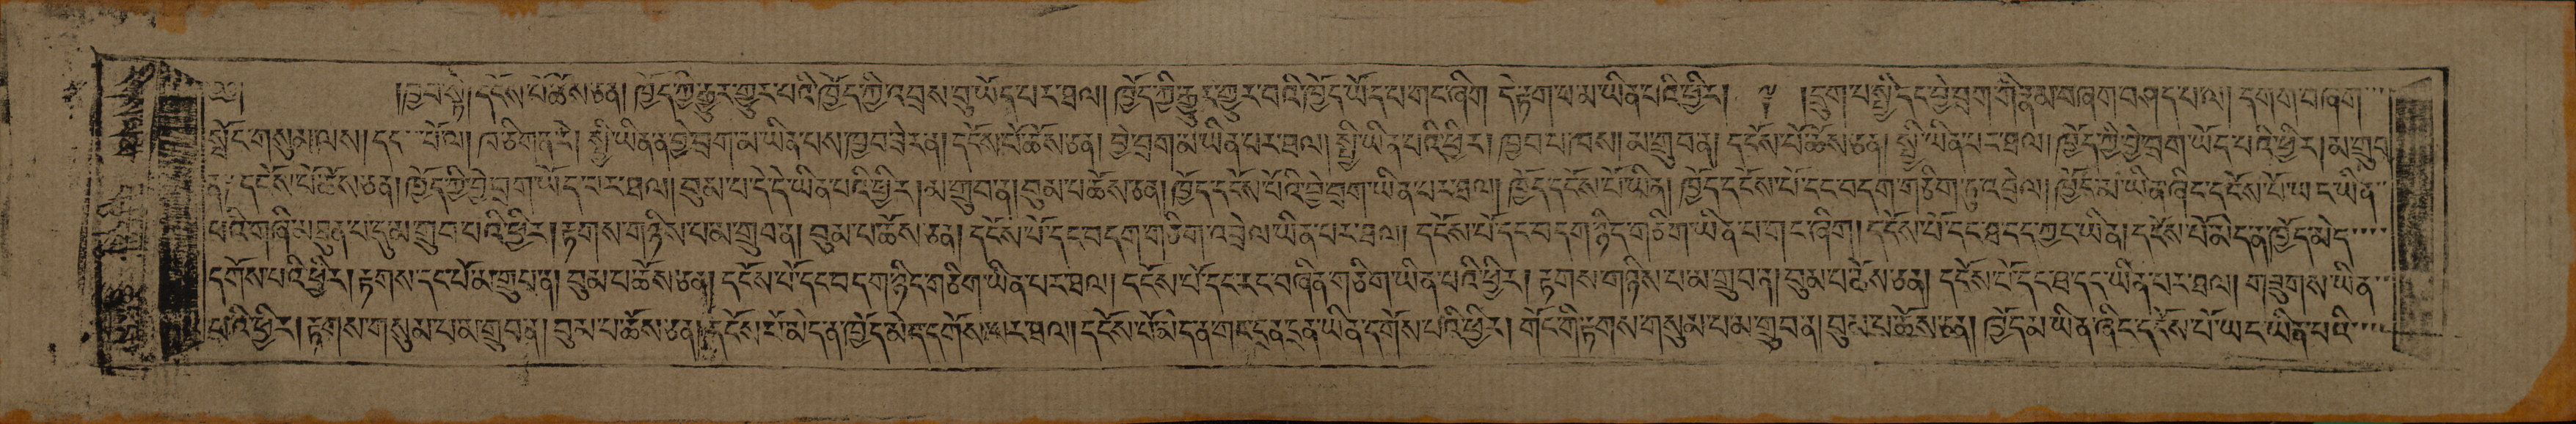༄༅། །ཁྱབ་སྟེ། དངོས་པོ་ཆོས་ཅན། ཁྱོད་ཀྱི་རྒྱུར་གྱུར་པའི་ཁྱོད་ཀྱི་འབྲས་བུ་ཡོད་པར་ཐལ། ཁྱོད་ཀྱི་རྒྱུར་གྱུར་བའི་ཁྱོད་ཡོད་པ་གང་ཞིག་དེ་རྟག་པ་མ་ཡིན་པའི་ཕྱིར། ༈ །དྲུག་པ་སྤྱི་དང་བྱེ་བྲག་གི་རྣམ་བཞག་བཤད་པ་ལ། དགག་བཞག་
སྤོང་གསུམ་ལས། དང་པོ་ལ། ཁ་ཅིག་ན་རེ། སྤྱི་ཡིན་ན་བྱེ་བྲག་མ་ཡིན་པས་ཁྱབ་ཟེར་ན། དངོས་པོ་ཆོས་ཅན། བྱེ་བྲག་མ་ཡིན་པར་ཐལ། སྤྱི་ཡིན་པའི་ཕྱིར། ཁྱབ་པ་ཁས། མ་གྲུབ་ན། དངོས་པོ་ཆོས་ཅན། སྤྱི་ཡིན་པར་ཐལ། ཁྱོད་ཀྱི་བྱེ་བྲག་ཡོད་པའི་ཕྱིར། མ་གྲུབ་
ན༑ དངོས་པོ་ཆོས་ཅན། ཁྱོད་ཀྱི་བྱེ་བྲག་ཡོད་པར་ཐལ། བུམ་པ་དེ་དེ་ཡིན་པའི་ཕྱིར། མ་གྲུབ་ན། བུམ་པ་ཆོས་ཅན། ཁྱོད་དངོས་པོའི་བྱེ་བྲག་ཡིན་པར་ཐལ། ཁྱོད་དངོས་པོ་ཡིན། ཁྱོད་དངོས་པོ་དང་བདག་གཅིག་ཏུ་འབྲེལ་ཁྱོད་མ་ཡིན་ཞིང་དངོས་པོ་ཡང་ཡིན་
པའི་གཞི་མཐུན་པ་དུ་མ་གྲུབ་པའི་ཕྱིར། རྟགས་གཉིས་པ་མ་གྲུབ་ན། བུམ་པ་ཆོས་ཅན། དངོས་པོ་དང་བདག་གཅིག་འབྲེལ་ཡིན་པར་ཐལ། དངོས་པོ་དང་བདག་ཉིད་གཅིག་ཡིན་པ་གང་ཞིག །དངོས་པོ་དང་ཐ་དད་ཀྱང་ཡིན། དངོས་པོ་མེད་ན་ཁྱོད་མེད་
དགོས་པའི་ཕྱིར། རྟགས་དང་པོ་མ་གྲུབ་ན། བུམ་པ་ཆོས་ཅན། དངོས་པོ་དང་བདག་ཉིད་གཅིག་ཡིན་པར་ཐལ། དངོས་པོ་དང་རང་བཞིན་གཅིག་ཡིན་པའི་ཕྱིར། རྟགས་གཉིས་པ་མ་གྲུབ་ན། བུམ་པ་ཆོས་ཅན། དངོས་པོ་དང་ཐ་དད་ཡིན་པར་ཐལ། གཟུགས་ཡིན་
པའི་ཕྱིར། རྟགས་གསུམ་པ་མ་གྲུབ་ན། བུམ་པ་ཆོས་ཅན། དངོས་པོ་མེད་ན་ཁྱོད་མེད་དགོས་པར་ཐལ། དངོས་པོ་མེད་ན་གང་དྲན་དྲན་ཡིན་དགོས་པའི་ཕྱིར། གོང་གི་རྟགས་གསུམ་པ་མ་གྲུབ་ན། བུམ་པ་ཆོས་ཅན། ཁྱོད་མ་ཡིན་ཞིང་དངོས་པོ་ཡང་ཡིན་པའི་